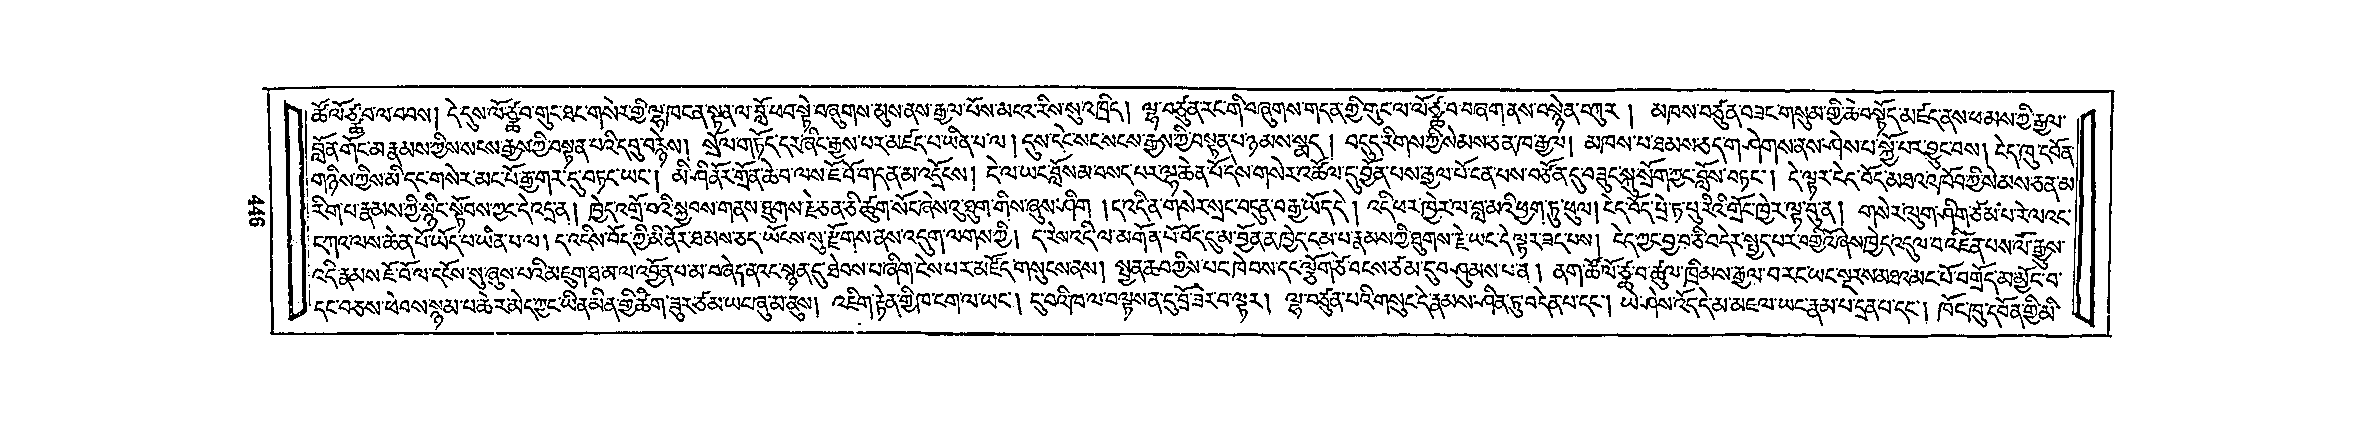ཚོ་ལོ་ཙྪ་བ་ལ་བབས། དེ་དུས་ལོ་ཙྪ་བ་གུང་ཐང་གསེར་གྱི་ལྷ་ཁང་ན་སྟན་ལ་བློ་ཕབ་སྟེ་བཞུགས་མུས་ནས་རྒྱལ་པོས་མངའ་རིས་སུ་འཁྲིད། ལྷ་བཙུན་རང་གི་བཞུགས་གདན་གྱི་གུང་ལ་ལོ་ཙྪ་བ་བཞག་ནས་བསྙེན་བཀུར། མཁས་བཙུན་བཟང་གསུམ་གྱི་ཆེ་བསྟོད་མཛད་ནས་ཕ་མས་ཀྱི་རྒྱལ་
བློན་གོང་མ་རྣམས་ཀྱིས་སངས་རྒྱས་ཀྱི་བསྟན་པའི་དབུ་བརྙེས། སྲོལ་གཏོད་དར་ཞིང་རྒྱས་པར་མཛད་པ་ཡིན་པ་ལ། དུས་དེང་སང་སངས་རྒྱས་ཀྱི་བསྟན་པ་ཉམས་སྨད། བདུད་རིགས་ཀྱི་སེམས་ཅན་ཁ་རྒྱལ། མཁས་པ་ཐམས་ཅད་གཤེགས་ནས་ཤེས་པ་སྐྱོ་པར་བྱུང་བས། ངེད་ཁུ་དབོན་
གཉིས་ཀྱིས་མི་དང་གསེར་མང་པོ་རྒྱ་གར་དུ་བཏང་ཡང་། མི་ཤི་ནོར་གྲོན་ཆེ་བ་ལས་ཇོ་བོ་གདན་མ་འདྲོངས། དེ་ལ་ཡང་བློས་མ་བསད་པར་ལྷ་ཆེན་པོ་དེས་གསེར་འཚོལ་དུ་བྱོན་པས་རྒྱལ་པོ་ངན་པས་བཙོན་དུ་བཟུང་སྐུ་སྲོག་ཀྱང་བློས་བཏང་། དེ་ལྟར་ངེད་བོད་མཐའ་འཁོབ་ཀྱི་སེམས་ཅན་མ་
རིག་པ་རྣམས་ཀྱི་སྙིང་སྟོབས་ཀྱང་དེ་འདྲ་ན། ཁྱེད་འགྲོ་བའི་སྐྱབས་གནས་ཐུགས་རྗེ་ཅན་ཅི་ཚུག་སོང་ཞེས་འུ་ཐུག་གིས་ཞུས་ཤིག །ད་འདི་ན་གསེར་སྲང་བདུན་བརྒྱ་ཡོད་དེ། འདི་ཕར་ཁྱེར་ལ་བླ་མའི་ཕྱག་ཏུ་ཕུལ། ངེད་བོད་པྲེ་ཏ་པུ་རིའི་གྲོང་ཁྱེར་ལྟ་བུ་ན། གསེར་ལུག་ཤིག་ཙམ་པ་རེ་ལའང་
དཀའ་ལས་ཆེན་པོ་ཡོད་པ་ཡིན་པ་ལ། ད་འདིས་བོད་ཀྱི་མི་ནོར་ཐམས་ཅད་ཡོངས་སུ་རྫོགས་ནས་འདུག་ལགས་ཀྱི། ད་རེས་འདི་ལ་མགོན་པོ་བོད་དུ་མ་བྱོན་ན་ཁྱེད་དམ་པ་རྣམས་ཀྱི་ཐུགས་རྗེ་ཡང་དེ་ལྟར་ཟད་པས། ངེད་ཀྱང་བྱ་བ་ཅི་བདེར་སྤྱད་པར་བགྱིའོ་ཞེས་ཁྱེད་འདུལ་བ་འཛིན་པས་ལོ་རྒྱུས་
འདི་རྣམས་ཇོ་བོ་ལ་དངོས་སུ་ཞུས་པའི་མཇུག་ཐ་མ་ལ་འབྱོན་པ་མ་བཞེད་ནའང་སྙན་དུ་ཐེབས་པ་ཞིག་ངེས་པར་མཛོད་གསུངས་ནས། སྤྱན་ཆབ་ཀྱིས་པང་ཁེབས་དང་ལྕོག་ཙེ་བངས་ཙམ་དུ་བཤུམས་པ་ན། ནག་ཚོ་ལོ་ཙྪ་བ་ཚུལ་ཁྲིམས་རྒྱལ་བ་རང་ཡང་སྔར་ས་མཐའ་མང་པོ་བགྲོད་མ་མྱོང་བ་
དང་བཅས་ཕེབས་སྙམ་པ་ཆེར་མེད་ཀྱང་ཡིན་མིན་གྱི་ཚིག་ཟུར་ཙམ་ཡང་ཞུ་མ་ནུས། འཇིག་རྟེན་གྱི་ཁ་ངག་ལ་ཡང་། དུ་བའི་ཁ་ལ་བལྟས་ན་དུ་བྲོ་ཟེར་བ་ལྟར། ལྷ་བཙུན་པའི་གསུང་དེ་རྣམས་ཤིན་ཏུ་བདེན་པ་དང་། ཡེ་ཤེས་འོད་དེ་མ་མཇལ་ཡང་རྣམ་པ་དྲན་པ་དང་། ཁོང་ཁུ་དབོན་གྱི་མི་